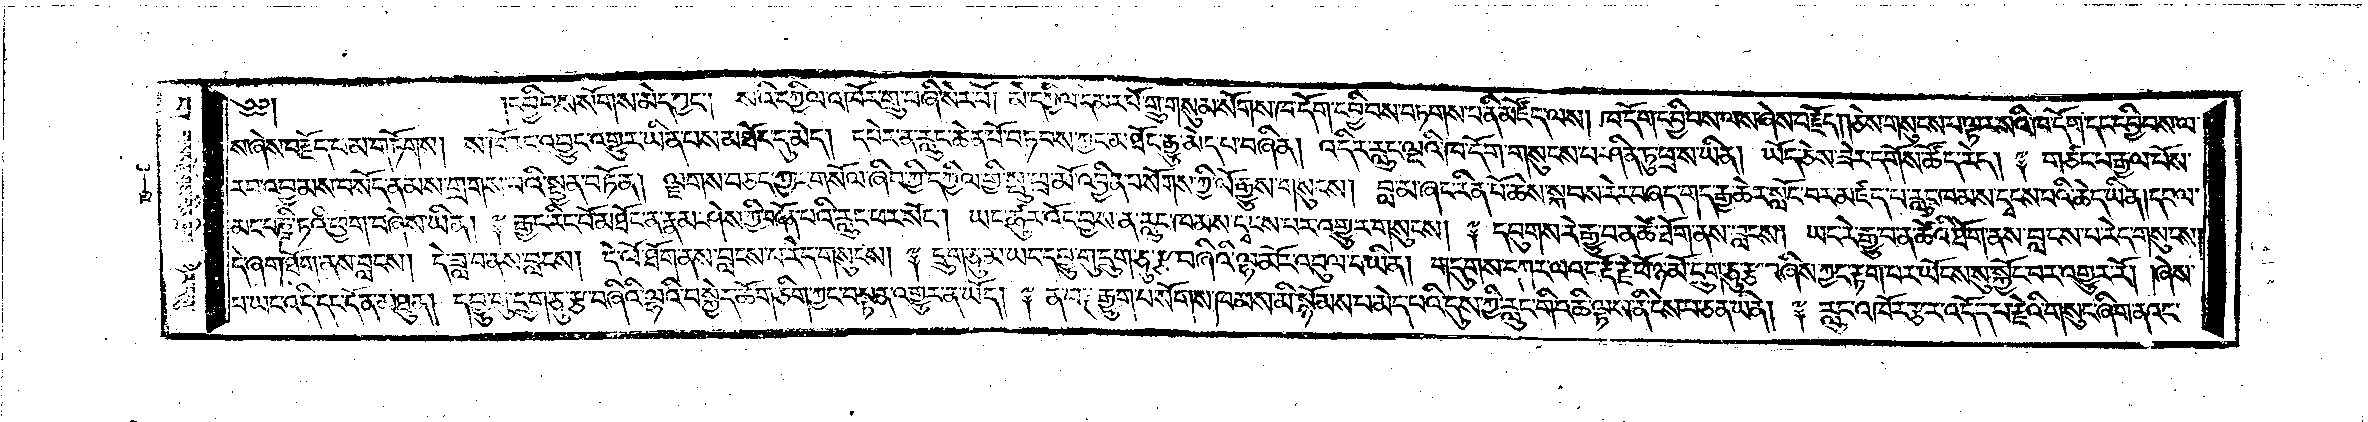༄༅། །དབྱིབས་སོགས་མེད་ཀྱང་། སའི་དཀྱིལ་འཁོར་གྲུ་བཞི་སེར་པོ། མེ་དཀྱིལ་དམར་པོ་གྲུ་གསུམ་སོགས་ཁ་དོག་དབྱིབས་བཏགས་པ་ནི་མཛོད་ལས། ཁ་དོག་དབྱིབས་ལས་ཞེས་བརྗོད། །ཅེས་གསུངས་པ་ལྟར་སའི་ཁ་དོག་དང་དབྱིབས་ལ་
ས་ཞེས་བརྗོད་པ་མ་གཏོགས། ས་ཁོ་རང་འབྱུང་འགྱུར་ཡིན་པས་མཐོང་དུ་མེད། དཔེར་ན་རླུང་ཆེན་པོ་བཏབས་ཀྱང་མཐོང་རྒྱུ་མེད་པ་བཞིན། འདིར་རླུང་ལྔའི་ཁ་དོག་གསུངས་པ་ཤིན་ཏུ་ཕྲ་ས་ཡིན། ཡོད་ཅེས་ཟེར་དགོས་ཚོད་རེད། ༈ གཙང་པ་རྒྱལ་པོས་
རབ་འབྱམས་བསོད་ནམས་གྲགས་པའི་སྤྱན་བཏོན། ལྗགས་བཅད་ཀྱང་གསོལ་ཞིབ་ཀྱི་དཀྱིལ་གྱི་སྤུ་ཕྲ་མོ་འབྱིན་པ་སོགས་ཀྱི་ལོ་རྒྱུས་གསུངས། བླ་མ་ཞང་རིན་པོ་ཆེས་སྐབས་རེར་བཞད་གད་རྒྱ་ཆེར་སློང་བར་མཛད་པ་རླུང་ཁམས་དྭངས་པའི་ཆེད་ཡིན། དང་ལ་
མང་པཎྜི་ཏའི་ཕྱག་བཞེས་ཡིན། ༈ རྒྱང་རིང་པོ་མཐོང་ན་རྣམ་ཤེས་ཀྱི་བཞོན་པའི་རླུང་ཕར་སོང་། ཡང་ཚུར་འོང་བྱས་ན་རླུང་ཁམས་དྭངས་པར་འགྱུར་གསུངས། ༈ དབུགས་རེ་རྒྱུ་བ་ན་ཆོ་ཐོག་ནས་བླངས། ཡང་རེ་རྒྱུ་བ་ན་ཚེའི་ཐོག་ནས་བླངས་པ་རེད་གསུངས།
དེ་ཞག་ཐོག་ནས་བླངས། དེ་ཟླ་བ་ནས་བླངས། དེ་ལོ་ཐོག་ནས་བླངས་པ་རེད་གསུངས། ༈ དྲུག་ཅུམ་ཡང་དབྱུ་གུ་དྲུག་ཅུ་རྩ་བཞིའི་ལྷ་མོར་འབུལ་པ་ཡིན། གདུགས་དཀར་ལའང་རྡོ་རྗེ་ཕོ་ཉ་མོ་དྲུག་ཅུ་རྩ་བཞིས་ཀྱང་རྟག་པར་ཡོངས་སུ་སྐྱོང་བར་འགྱུར་རོ། །ཞེས་
པ་ཡང་འདི་དང་དོན་མཐུན། དབྱུ་གུ་དྲུག་ཅུ་རྩ་བཞིའི་ལྷའི་བསྐྱེད་ཆོག་ཅིག་ཀྱང་བསྟན་འགྱུར་ན་ཡོད། ༈ ན་བ༑ རྒྱུག་པ་སོགས་ཁམས་མི་སྙོམས་པ་མེད་པའི་དུས་ཀྱི་རླུང་གི་འཆི་ལྟས་ནི་ངེས་པ་ཅན་ཡིན། ༈ རླུང་འཁོར་རྩར་འདོད་པ་རྗེའི་གསུང་ཞིག་ནའང་